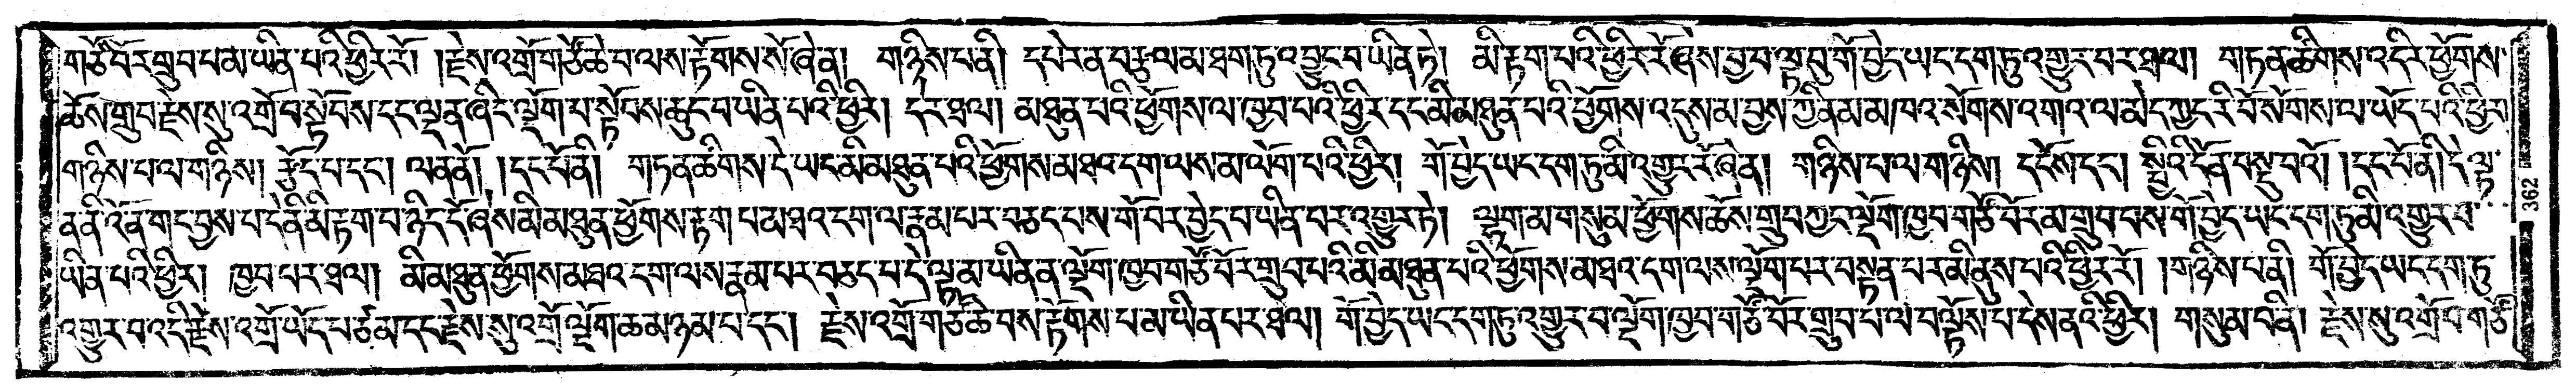གཙོ་བོར་གྲུབ་པ་མ་ཡིན་པའི་ཕྱིར་རོ། །རྗེས་འགྲོ་གཙོ་ཆེ་བ་ལས་རྟོགས་སོ་ཞེ་ན། གཉིས་པ་ནི། དཔེར་ན་བརྩལ་མ་ཐག་ཏུ་འབྱུང་བ་ཡིན་ཏེ། མི་རྟག་པའི་ཕྱིར་རོ་ཞེས་བྱ་བ་ལྟ་བུ་གོ་བྱེད་ཡང་དག་ཏུ་འགྱུར་བར་ཐལ། གཏན་ཚིགས་འདིར་ཕྱོགས་
ཆོས་གྲུབ་རྗེས་སུ་འགྲོ་བ་སྟོབས་དང་ལྡན་ཞིང་ལྡོག་པ་སྟོབས་ཆུང་བ་ཡིན་པའི་ཕྱིར། དེར་ཐལ། མཐུན་པའི་ཕྱོགས་ལ་ཁྱབ་པའི་ཕྱིར་དང་མི་མཐུན་པའི་ཕྱོགས་འདུས་མ་བྱས་ཀྱི་ནམ་མཁའ་སོགས་འགའ་ལ་མེད་ཀྱང་རི་བོ་སོགས་ལ་ཡོད་པའི་ཕྱིར།
གཉིས་པ་ལ་གཉིས། རྩོད་པ་དང་། ལན་ནོ། །དང་པོ་ནི། གཏན་ཚིགས་དེ་ཡང་མི་མཐུན་པའི་ཕྱོགས་མཐའ་དག་ལས་མ་ལོག་པའི་ཕྱིར། གོ་བྱེད་ཡང་དག་ཏུ་མི་འགྱུར་རོ་ཞེ་ན། གཉིས་པ་ལ་གཉིས། དངོས་དང་། སྤྱིའི་དོན་བསྡུ་བའོ། །དང་པོ་ནི། དེ་ལྟ་
ན་ནི་འོ་ན་གང་བྱས་པ་དེ་ནི་མི་རྟག་པ་ཉིད་དོ་ཞེས་མི་མཐུན་ཕྱོགས་རྟག་པ་མཐའ་དག་ལ་རྣམ་པར་བཅད་པས་གོ་བར་བྱེད་པ་ཡིན་པར་འགྱུར་ཏེ། ལྷག་མ་གསུམ་ཕྱོགས་ཆོས་གྲུབ་ཀྱང་ལྡོག་ཁྱབ་གཙོ་བོར་མ་གྲུབ་པས་གོ་བྱེད་ཡང་དག་ཏུ་མི་འགྱུར་བ་
ཡིན་པའི་ཕྱིར། ཁྱབ་པར་ཐལ། མི་མཐུན་ཕྱོགས་མཐའ་དག་ལས་རྣམ་པར་བཅད་པ་དེ་ལྟ་མ་ཡིན་ན་ལྡོག་ཁྱབ་གཙོ་བོར་གྲུབ་པའི་མི་མཐུན་པའི་ཕྱོགས་མཐའ་དག་ལས་ལྡོག་པར་བསྟན་པར་མི་ནུས་པའི་ཕྱིར་རོ། །གཉིས་པ་ནི། གོ་བྱེད་ཡང་དག་ཏུ་
འགྱུར་བ་འདི་རྗེས་འགྲོ་ཡོད་པ་ཙམ་དང་རྗེས་སུ་འགྲོ་ལྡོག་ཆ་མཉམ་པ་དང་། རྗེས་འགྲོ་གཙོ་ཆི་བས་རྟོགས་པ་མ་ཡིན་པར་ཐལ། གོ་བྱེད་ཡང་དག་ཏུ་འགྱུར་བ་ལྡོག་ཁྱབ་གཙོ་བོར་གྲུབ་པ་ལ་བལྟོས་པ་དེས་ནའི་ཕྱིར། གསུམ་པ་ནི། རྗེས་སུ་འགྲོ་བ་གཙོ་